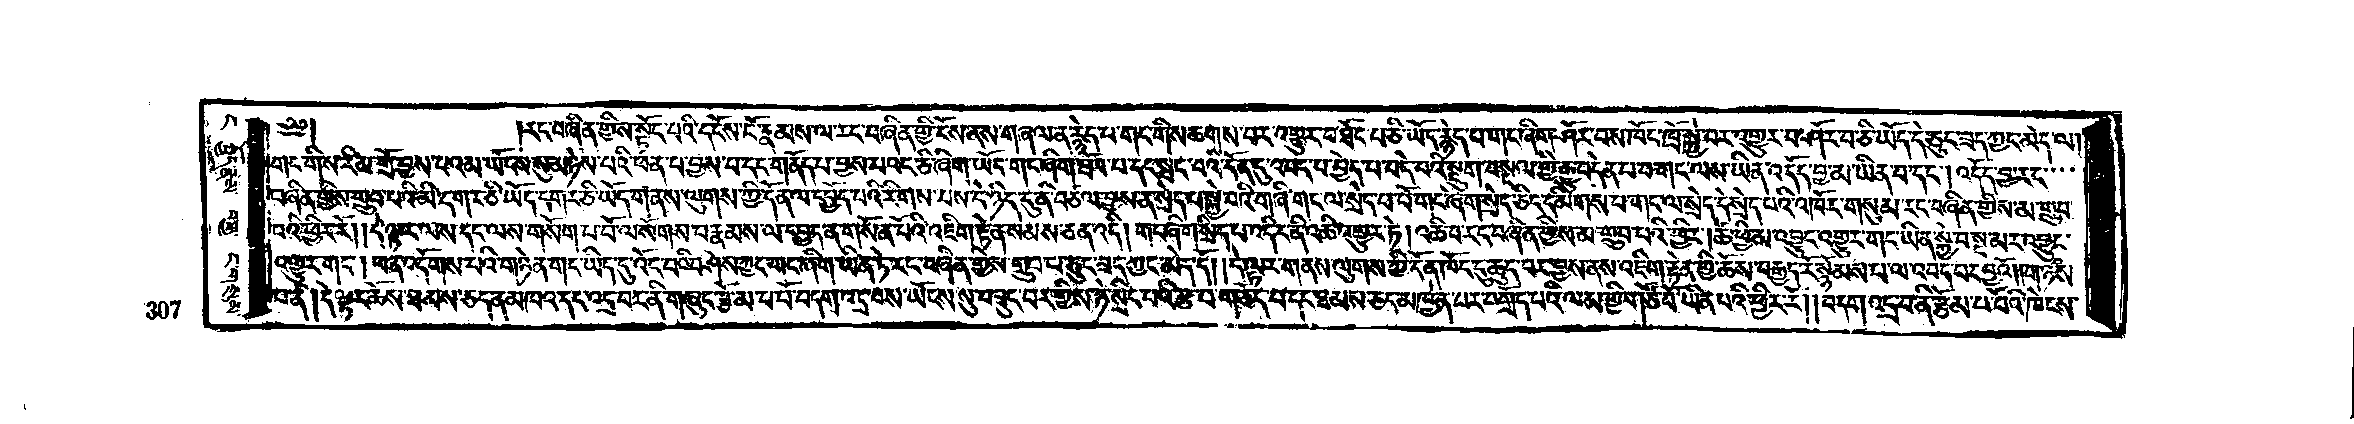༄༅། །རང་བཞིན་གྱིས་སྟོང་བའི་དངོས་པོ་རྣམས་ལ་རང་བཞིན་གྱིས་ངོས་ནས་གཞལ་ན་རྙེད་པ་གང་གིས་ཆགས་པར་འགྱུར་བ་ཐོང་བ་ཅི་ཡོད་རྙེད་པ་གང་ཞིག་ཤོར་བས་ཁོང་ཁྲོ་སྐྱེ་བར་འགྱུར་བ་ཤོར་བ་ཅི་ཡོད་དེ་ཅུང་ཟད་ཀྱང་མེད་ལ།
གང་གིས་རིམ་གྲོ་བྱས་པའམ་ཡོངས་སུམ་ཉེས་པའི་ཕན་པ་བྱས་པ་དང་གནོད་པ་བྱས་པའང་ཅི་ཞིག་ཡོད་གང་ཞིག་ཐོབ་པ་དང་སྤང་བའི་དོན་དུ་འབད་པ་བྱེད་པ་བདེ་བའི་སྡུག་བསྔལ་གྱི་རྒྱུ་བདེན་པ་བ་གང་ལས་ཡིན་འདོད་བྱ་མ་ཡིན་པ་དང་། འདོད་བྱ་རང་
བཞིན་གྱིས་གྲུབ་པའི་མི་དགར་ཅི་ཡོད་དགར་ཅི་ཡོད་གནས་ལུགས་ཀྱི་དོན་ལ་དཔྱོད་པའི་རིགས་པས་དེ་ཉིད་དུ་ནི་བཙམ་བྱས་ན་སྲེད་པ་སྐྱེ་བའི་གཞི་གང་ལ་སྲེད་པ་པོ་གང་ཞིག་སྲེད་ཅིང་དམིགས་པ་གང་ལ་སྲེད་དེ་སྲེད་པའི་འཁོར་གསུམ་རང་བཞིན་གྱིས་མ་གྲུབ་
པའི་ཕྱིར་རོ། །དེ་ལྟར་ལས་དང་ལས་གསོག་པ་པོ་ལ་སོགས་པ་རྣམས་ལ་དཔྱད་ན་གསོན་པོའི་འཇིག་རྟེན་སེམས་ཅན་འདི། གང་ཞིག་སྲིད་པ་འདིར་ནི་འཆི་འགྱུར་ཏེ། འཆི་བ་རང་བཞིན་གྱིས་མ་གྲུབ་པའི་ཕྱིར། ཚེ་ཕྱི་མ་འབྱུང་འགྱུར་གང་ཡིན་སྐྱེ་བ་སྔ་མར་འབྱུང་
འགྱུར་གང་། ཕན་འདོགས་པའི་གཉེན་གང་ཡིད་དུ་འོང་བའི་བཤེས་ཀྱང་གང་ཞིག་ཡིན་ཏེ་རང་བཞིན་གྱིས་གྲུབ་པ་ཅུང་ཟད་ཀྱང་མེད་དོ། །དེ་ལྟར་གནས་ལུགས་ཀྱི་དོན་ཁོང་དུ་ཆུད་པར་བྱས་ནས་འཇིག་རྟེན་གྱི་ཆོས་བརྒྱད་རོ་སྙོམས་པ་ལ་འབད་པར་བྱའོ། །གཉིས་
བ་ནི། དེ་ལྟར་ཆོས་ཐམས་ཅད་ནམ་མཁའ་དང་འདྲ་བར་ནི་གཟུང་རྩོམ་པ་པོ་བདག་འདྲ་བས་ཡོངས་སུ་བཟུང་བར་གྱིས་ཉེ་སྲིད་པའི་རྩ་བ་གཅོད་པ་དང་ཐམས་ཅད་མཁྱེན་པར་བགྲོད་པའི་ལམ་གྱི་གཙོ་བོ་ཡིན་པའི་ཕྱིར་རོ། །བདག་འདྲ་བ་ནི་རྩོམ་པ་པོའི་ཁེངས་